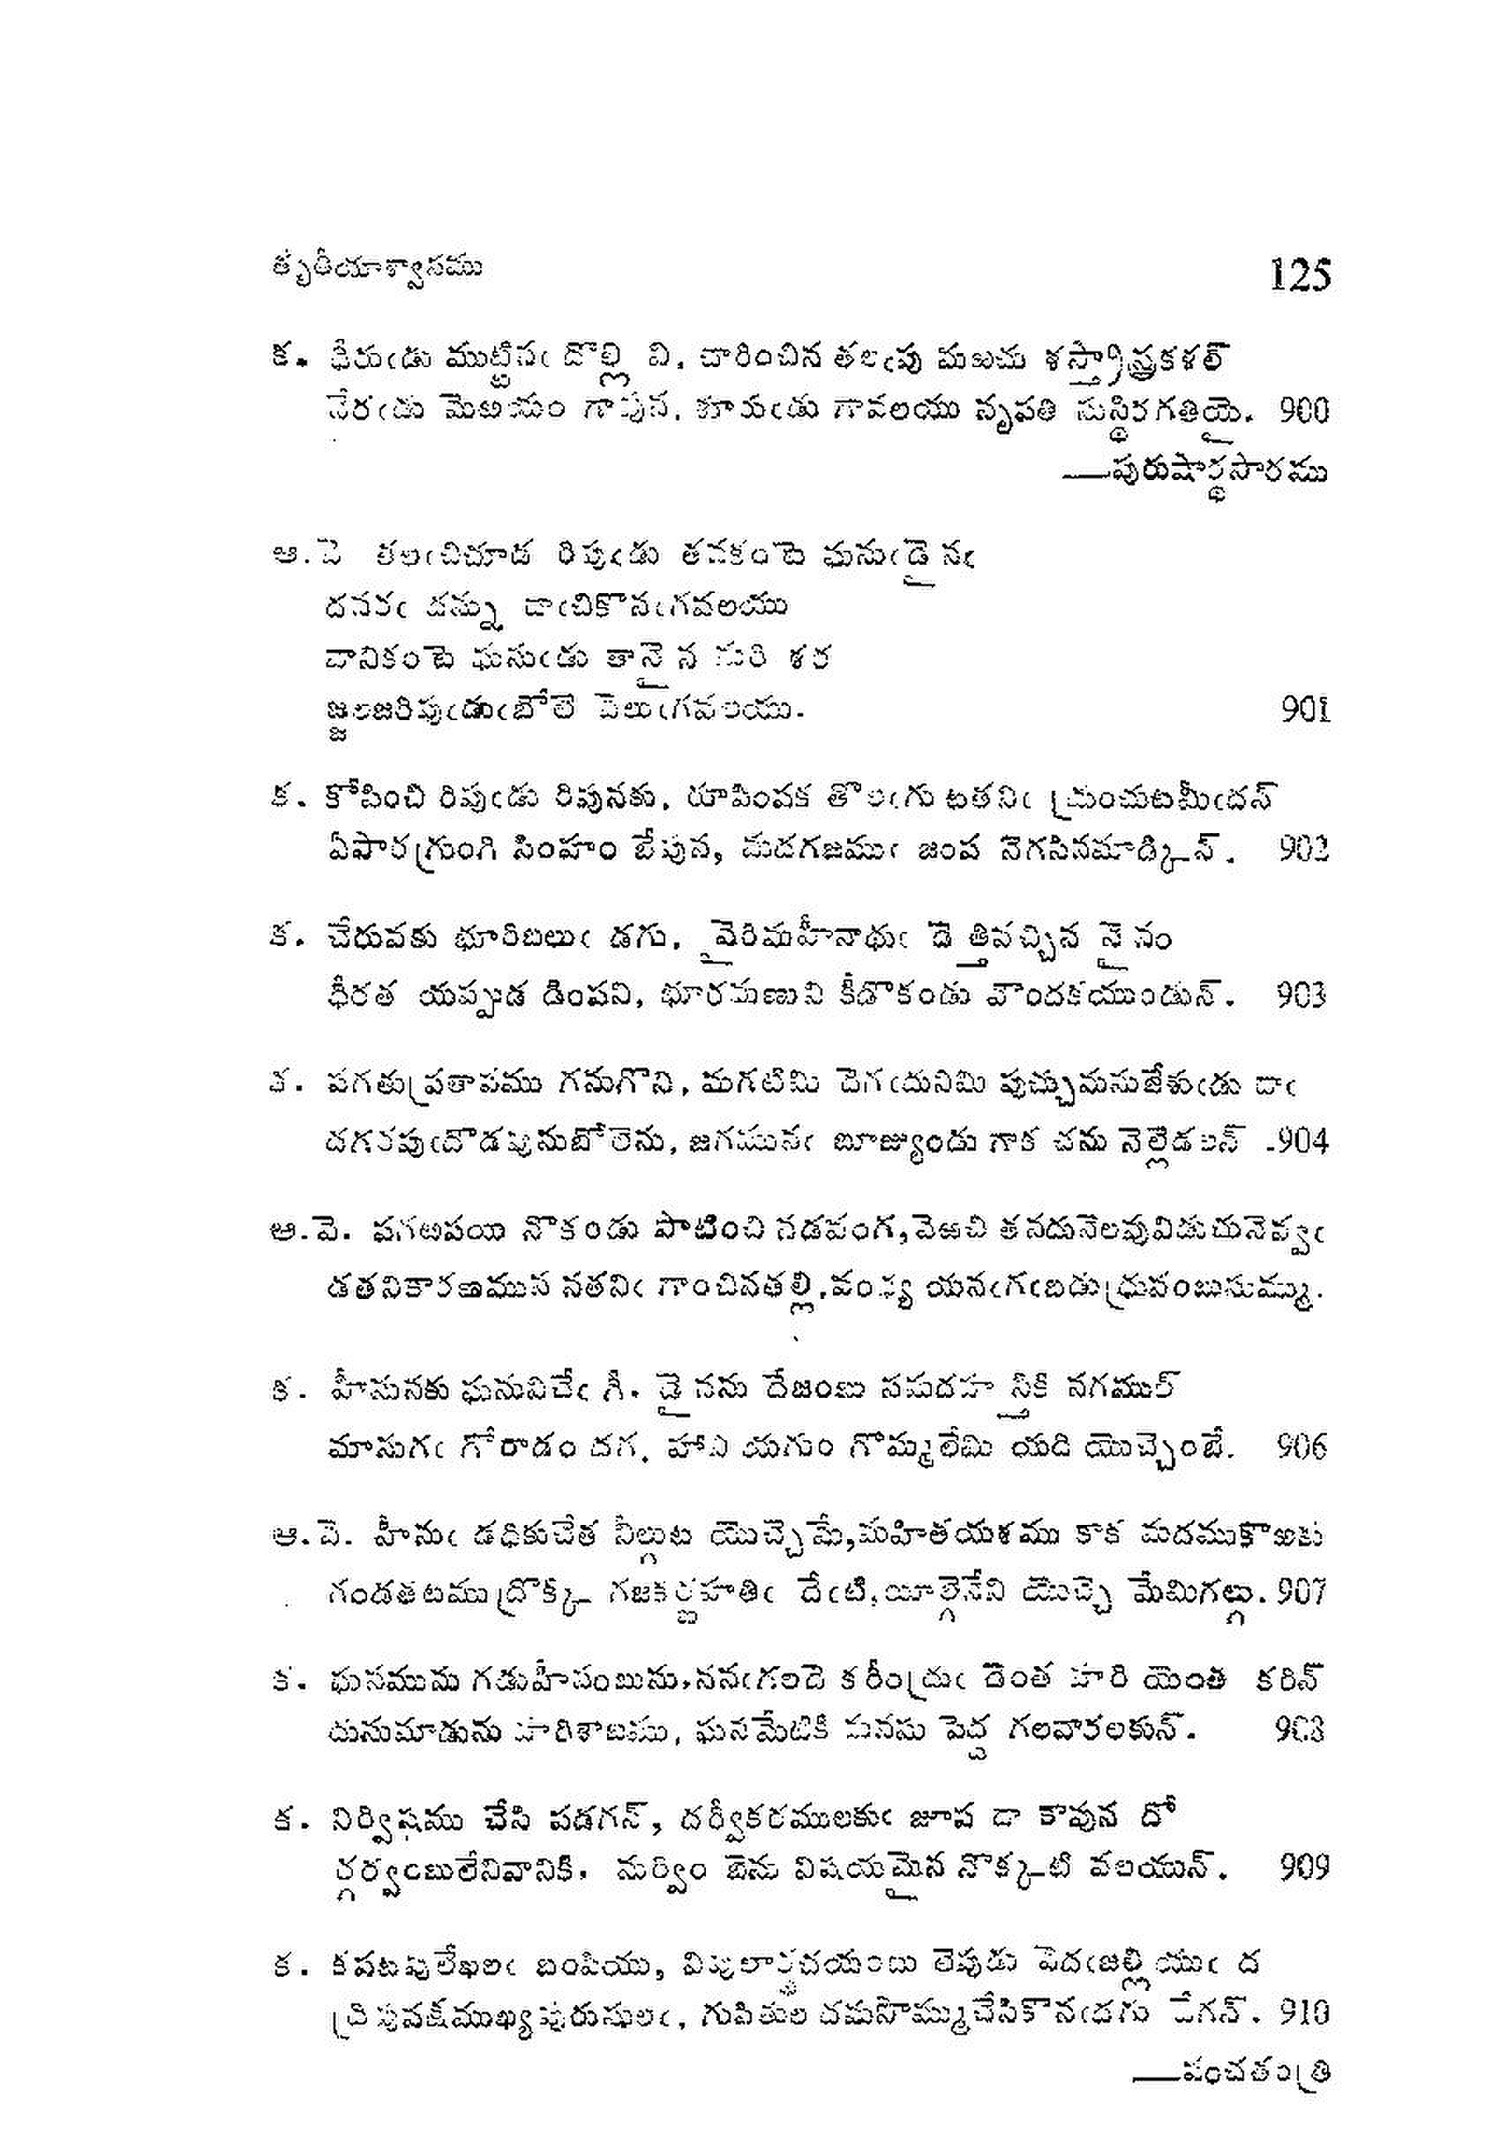క. ధీరుఁడు ముట్టినఁ దొల్లి వి
చారించిన తలఁపు మఱచు శస్త్రాస్త్రకళల్
నేరఁడు మెఱయం గావున
శూరుఁడు గావలయు నృపతి సుస్థిరగతియై. 900

ఆ. తలఁచి చూడ రిపుఁడు తనకంటె ఘనుఁడైనఁ
దనరఁ దన్ను దాఁచికొనఁగవలయు
వానికంటె ఘనుఁడు తానైన మరి శర
జ్జలజరిపుఁడుబొలె వెలుఁగవలయు. 901

క. కోపించి రిపుఁడు రిపునకు
రూపింపక తొలఁగు టతనిఁ ద్రుంచుటమీఁదన్
ఏపారగ్రుంగి సింహం బేపున
మదగజముఁ జంప నెగసినమాడ్కిన్. 902

క. చేరువకు భూరిబలుఁ డగు
వైరిమహీనాథుఁ డెత్తివచ్చిన నైనం
ధీరత యప్పుడ డింపని
భూరమణుని కాడొకండు వొందకయుండున్. 903

క. పగతుప్రతాపము గనుగొని
మగటిమి దెగఁదునిమి పుచ్చు మనుజేశుఁడు దాఁ
దగరపుఁదొడవునుబోలెను
జగమునఁ బూజ్యుండు గాక చను నెల్లెడలన్. 904

ఆ. పగఱపయి నొకండు పాటించి నడవంగ
వెఱచి తనదునెలవు విడుచు నెవ్వఁ
డతని కారణమున నతనిఁ గాంచిన తల్లి
వంధ్య యనఁగఁబడు ధ్రువంబుసుమ్ము. 905

క. హీనునకు ఘనునిచేఁ గీ
డైనను దేజంబు సమదహస్తికి నగముల్
మానుఁగఁ గోరాడం దగ
గాని యగుం గొమ్మలేమి యది యొచ్చెంబే. 906

ఆ. హీనుఁ డధికుచేత నీల్గుట యొచ్చెమే
మహితయశము కాక మదముకొఱకు
గండతటము ద్రొక్కి గజకర్ణహతిఁ దేఁటి
యీల్గెనేని యొచ్చె మేమిగల్గు. 907

క. ఘనమును గడుహీనంబును
ననఁగలదె కరీంద్రుఁ డెంత హరి యెంతి కరిన్
దునుమాడును హరిశాబము
ఘనమేటికి మనసు పెద్ద గలవారలకున్. 908

క. నిర్విషము చేసి పడగన్
దర్వీకరములకుఁ జూప దా కావున దో
ర్గర్వంబులేనివానికి
నుర్విం బెను విషయమైన నొక్కటి వలయున్. 909

క. కపటపులేఖలఁ బంపియు
విపులార్థచయంబు లెపుడు వెదఁజల్లియుఁ ద
ద్రిపుపక్షముఖ్యపురుషులఁ
గుపితుల దమసొమ్ముచేసికొనఁదగు వేగన్. 910